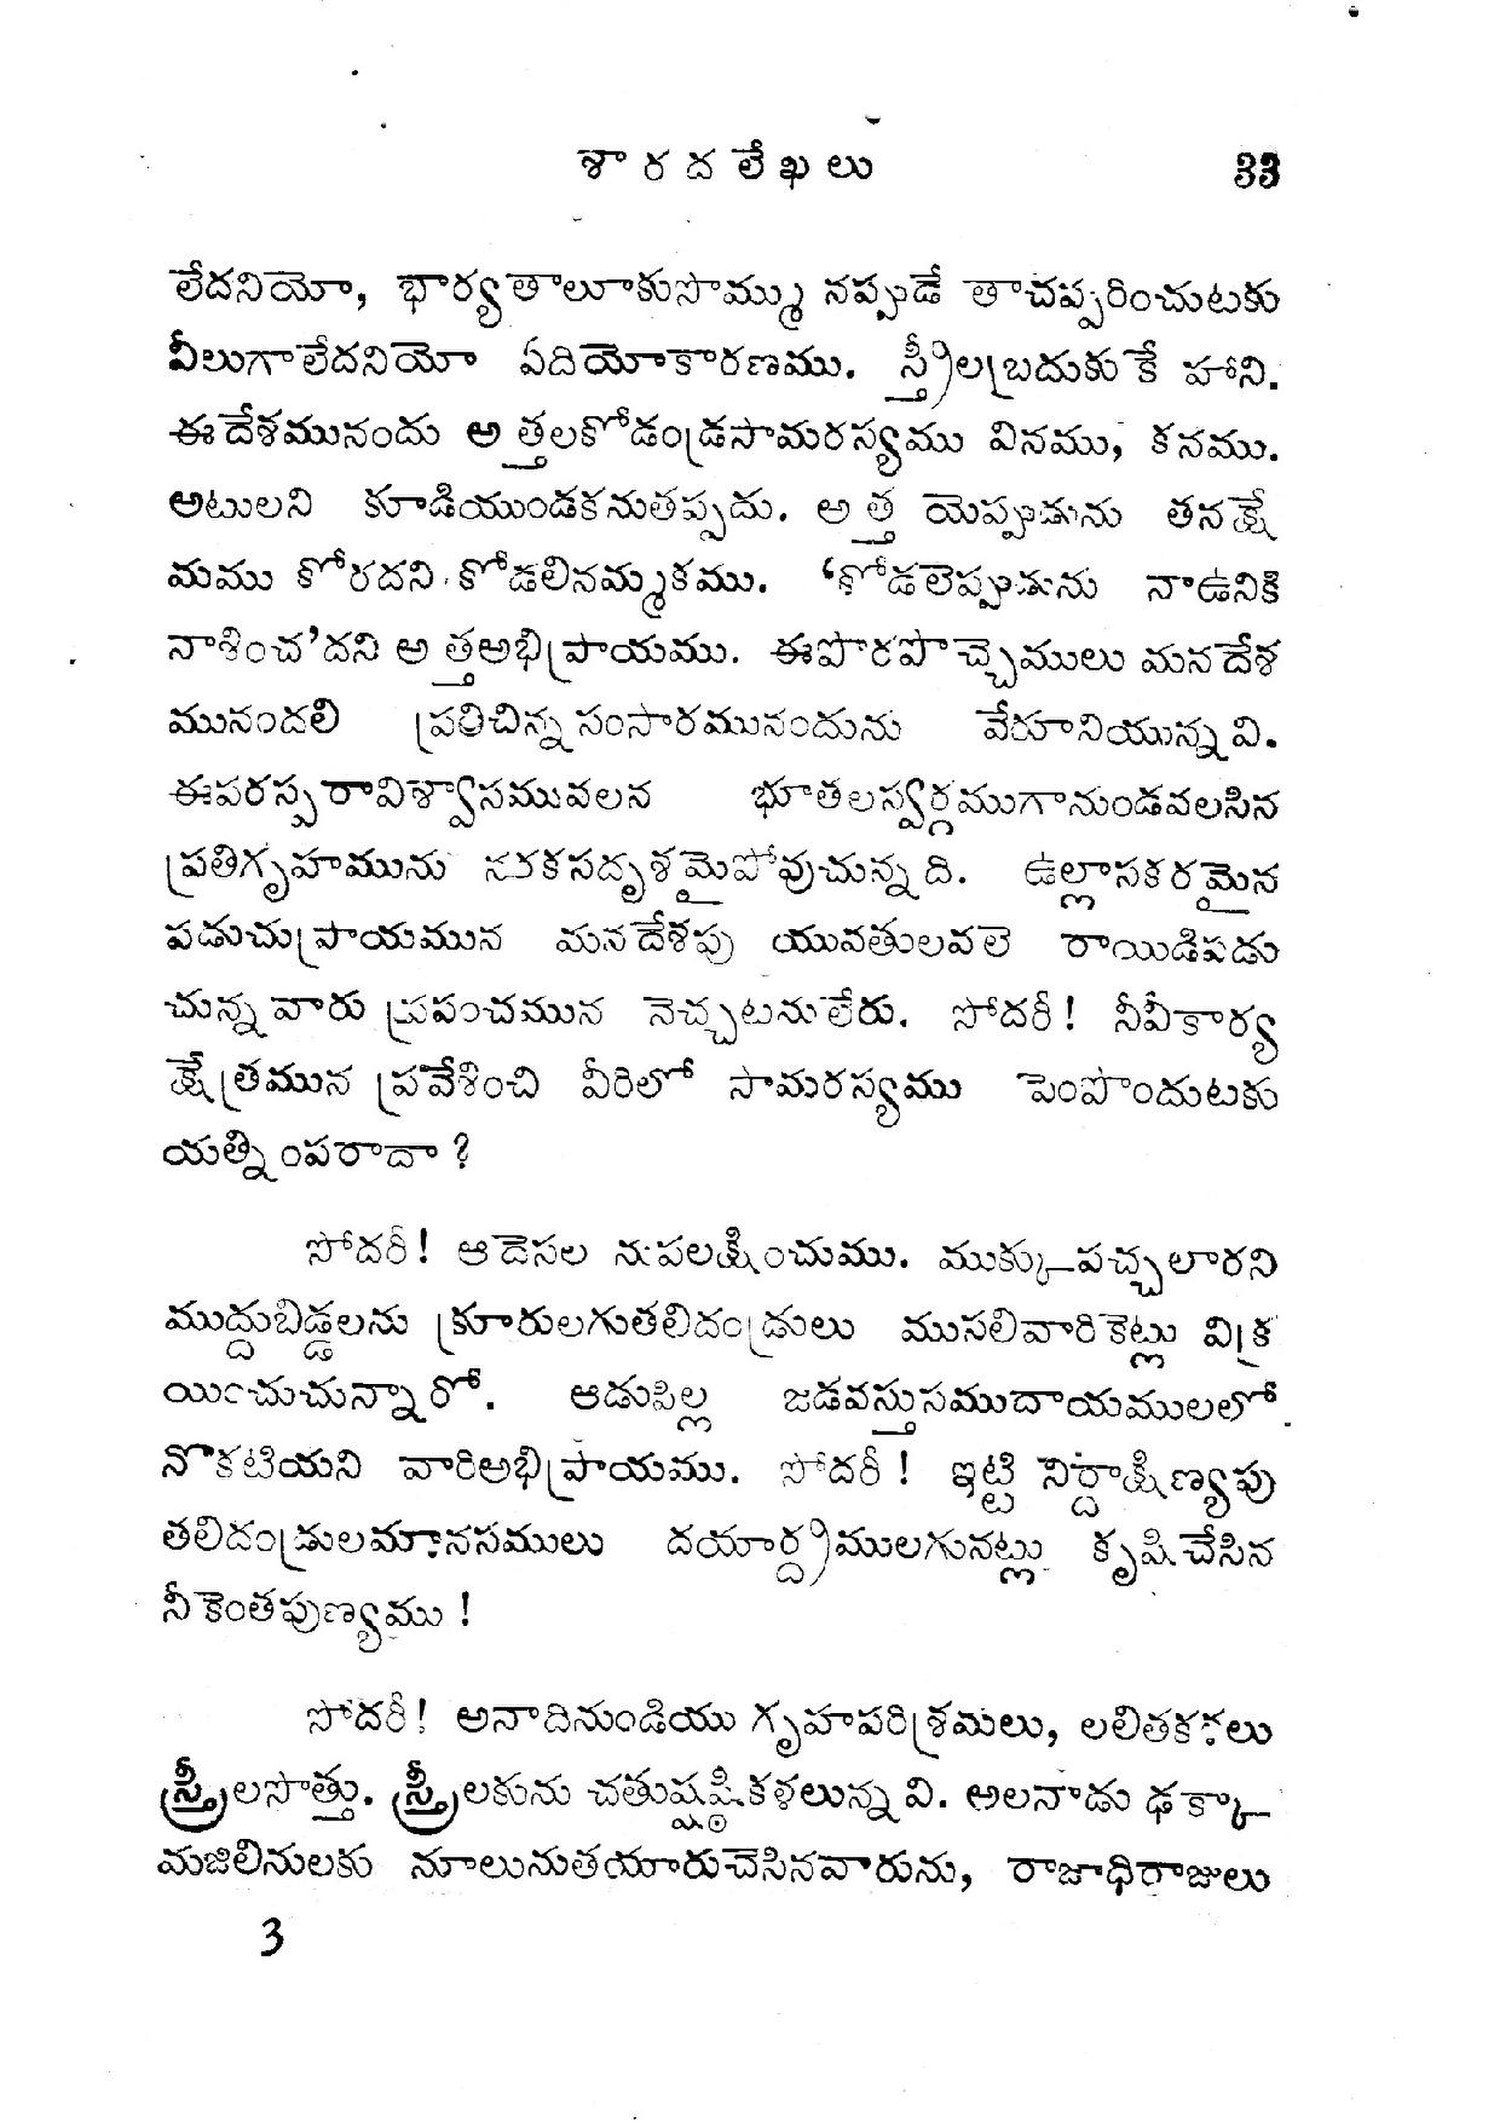లేదనియో, భార్యతాలూకుసొమ్ము నప్పుడే తాచప్పరించుటకు
వీలుగాలేదనియో ఏదియోకారణము. స్త్రీల బ్రదుకే హాని. 
ఈ దేశమునందు అత్తలకోడండ్రసామరస్యము వినము, కనము.
అటులని కూడియుండకను తప్పదు. అత్త యెప్పుడును తన క్షే
మము కోరదని కోడలినమ్మకము. 'కోడలెప్పుడును నాఉనికి
నాశించ’దని అత్తఅభిప్రాయము. ఈ పొరపొచ్చెములు మన దేశ 
మునందలి ప్రతిచిన్న సంసారమునందును వేరూనియున్నవి.
ఈపరస్పరావిశ్వాసమువలన భూతల స్వర్గముగా నుండవలసిన
ప్రతిగృహమును నరకసదృశమైపోవుచున్నది. ఉల్లాసకరమైన
పడుచుప్రాయమున మనదేశపు యువతులవలె రాయిడిపడు
చున్న వారు ప్రపంచమున వెచ్చటను లేరు. సోదరీ! నీవీ కార్య
క్షేత్రమున ప్రవేశించి వీరిలో సామరస్యము పెంపొందుటకు
యత్నింపరాదా ?

సోదరీ! ఆదెసల నుపలక్షించుము. ముక్కుపచ్చలారని
ముద్దుబిడ్డలను క్రూరులగుతలిదండ్రులు ముసలివారికెట్లు విక్ర
యించుచున్నారో. ఆడుపిల్ల జడవస్తుసముదాయములలో.
నొకటియని వారిఅభిప్రాయము. సోదరీ ! ఇట్టి నిర్దాక్షిణ్యపు
తలిదండ్రులమానసములు దయార్ద్రములగునట్లు కృషి చేసిన
నీ కెంతపుణ్యము !

సోదరీ! అనాదినుండియు గృహపరిశ్రమలు, లలితకళలు
స్త్రీలసొత్తు. స్త్రీలకును చతుష్షష్టికళలున్నవి. అలనాడు ఢక్కా
మజిలినులకు నూలునుతయారుచేసినవారును, రాజాధిరాజులు
3